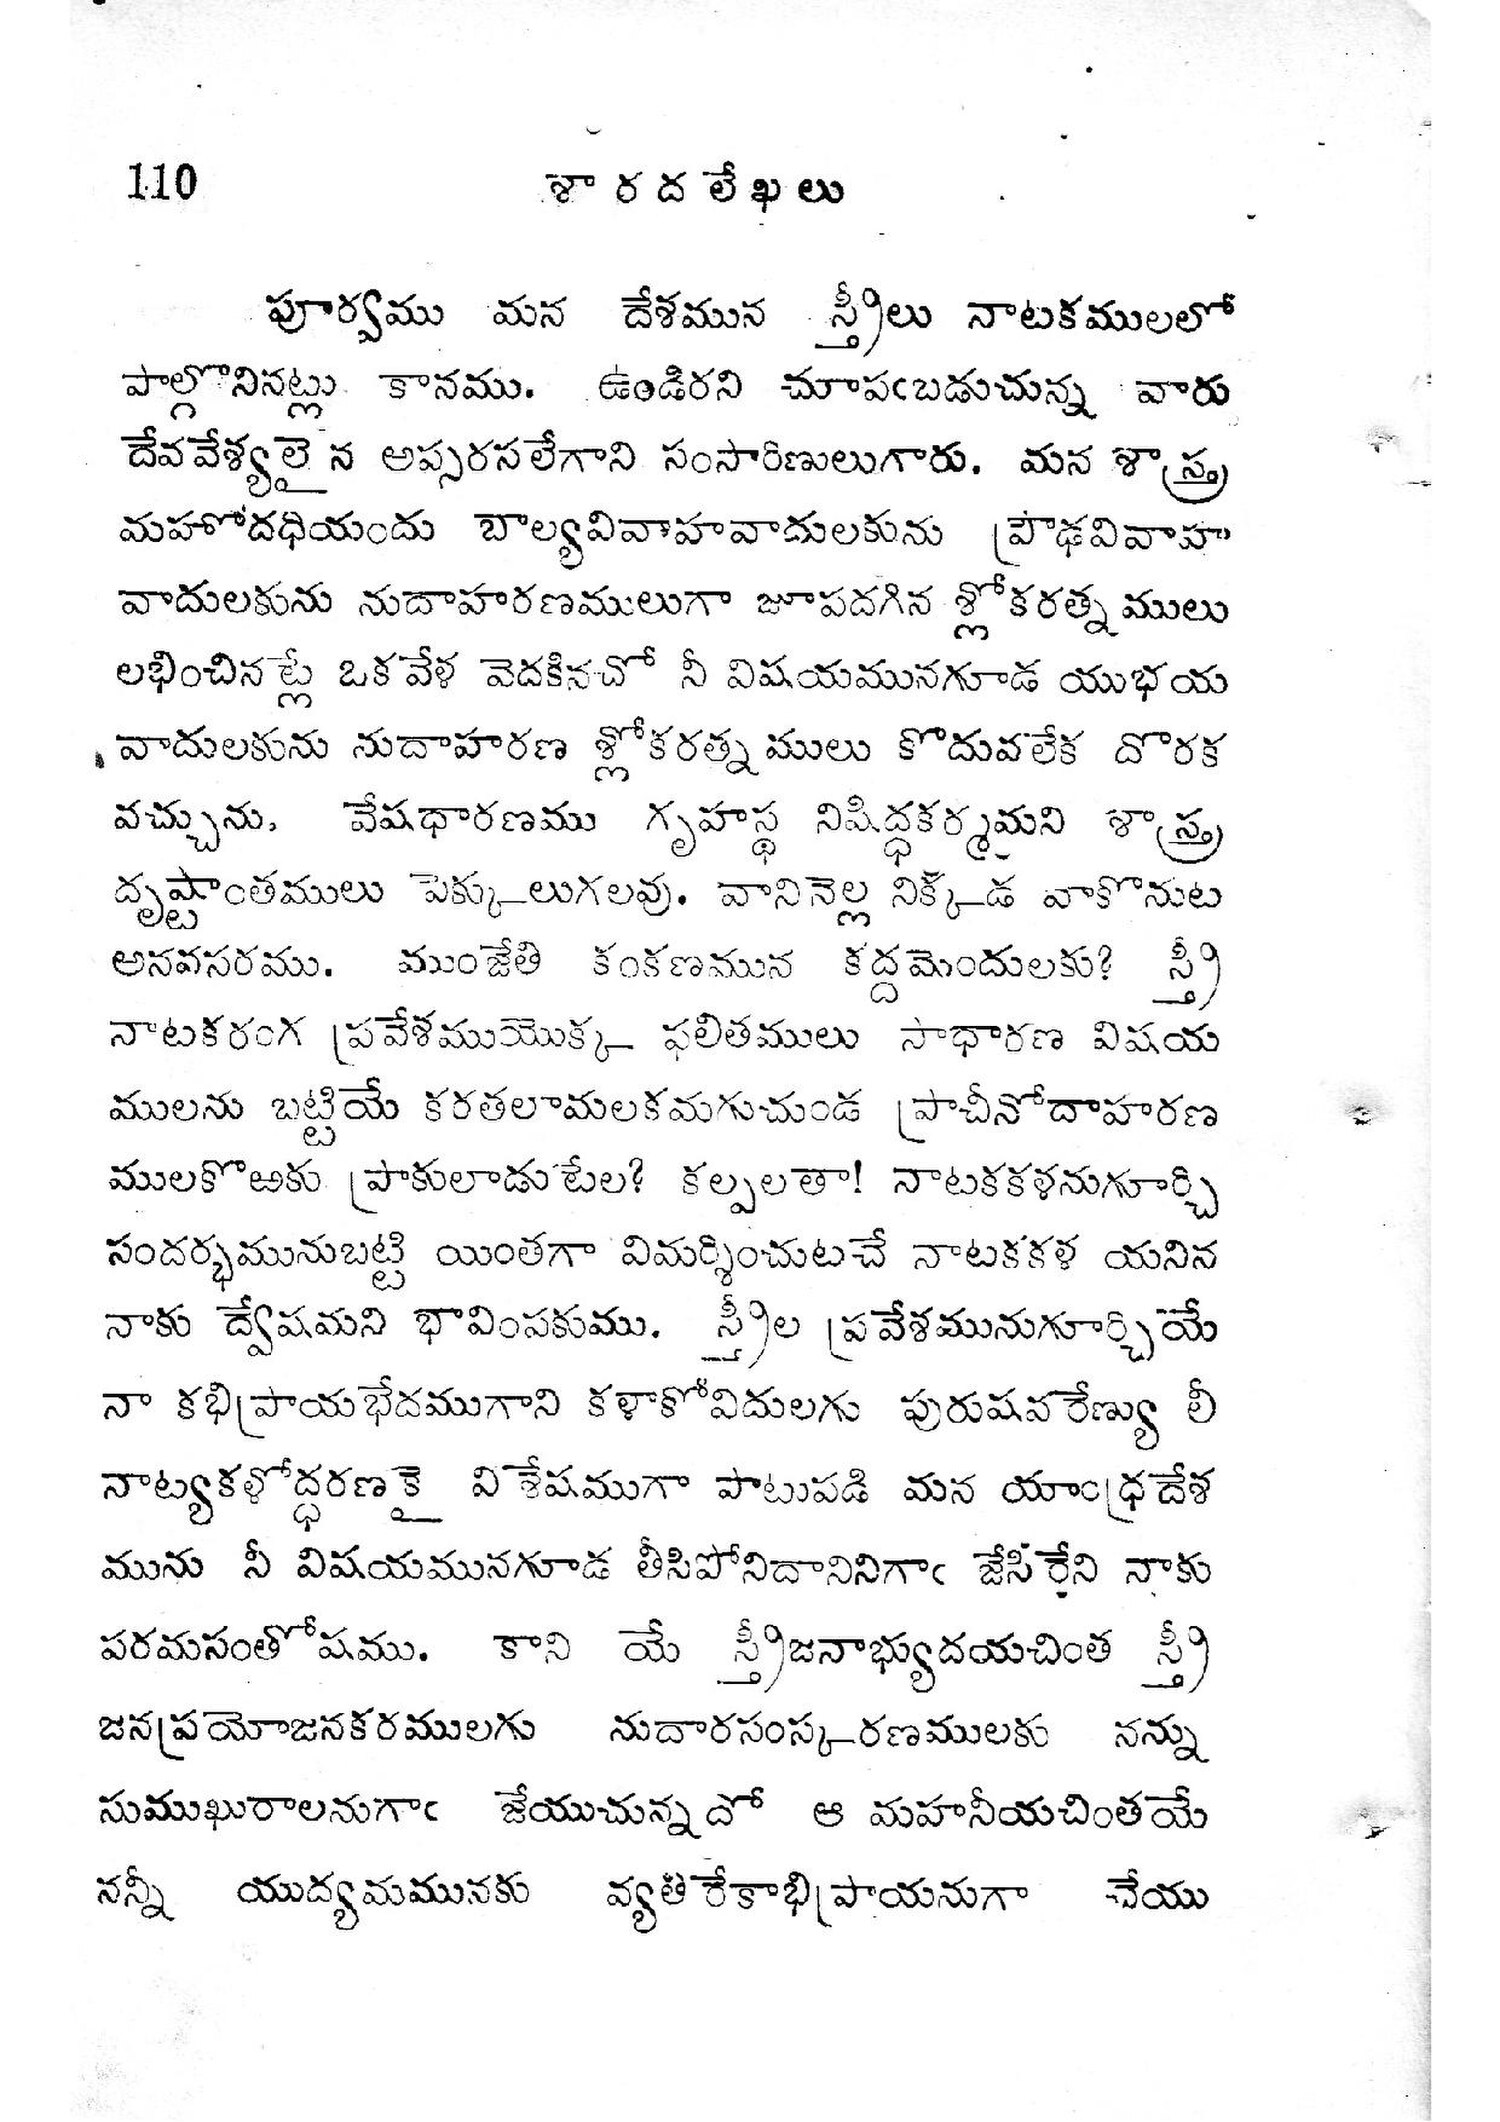పూర్వము మన దేశమున స్త్రీలు నాటకములలో పాల్గొనినట్లు కానము. ఉండిరని చూపఁబడుచున్న వారు
దేవవేశ్యలైన అప్సరసలేగాని సంసారిణులుగారు. మన శాస్త్ర మహోదధియందు బాల్యవివాహవాదులకును ప్రౌఢవివాహవాదులకును నుదాహరణములుగా జూపదగిన శ్లోకరత్నములు లభించినట్లే ఒకవేళ వెదకినచో నీ విషయమునగూడ యుభయ వాదులకును నుదాహరణ శ్లోకరత్నములు కొదువలేక దొరకవచ్చును. వేషధారణము గృహస్థ నిషిద్ధకర్మమని శాస్త్ర దృష్టాంతములు పెక్కులుగలవు. వానినెల్ల నిక్కడ వాకొనుట
అనవసరము. ముంజేతి కంకణమున కద్దమెందులకు? స్త్రీ నాటకరంగ ప్రవేశముయొక్క ఫలితములు సాధారణ విషయములను బట్టియే కరతలామలకమగుచుండ ప్రాచీనోదాహరణములకొఱకు ప్రాకులాడుటేల? కల్పలతా! నాటకకళనుగూర్చి సందర్భమునుబట్టి యింతగా విమర్శించుటచే నాటకకళ యనిన నాకు ద్వేషమని భావింపకుము. స్త్రీల ప్రవేశమునుగూర్చియే నా కభిప్రాయభేదముగాని కళాకోవిదులగు పురుషవరేణ్యు లీ నాట్యకళోద్ధరణకై విశేషముగా పాటుపడి మన యాంధ్రదేశమును నీ విషయమునగూడ తీసిపోనిదానినిగాఁ జేసిరేని నాకు పరమసంతోషము. కాని యే స్త్రీజనాభ్యుదయచింత స్త్రీ
జనప్రయోజనకరములగు నుదారసంస్కరణములకు నన్ను సుముఖురాలనుగాఁ జేయుచున్నదో ఆ మహనీయచింతయే నన్నీ యుద్యమమునకు వ్యతిరేకాభిప్రాయముగా చేయు